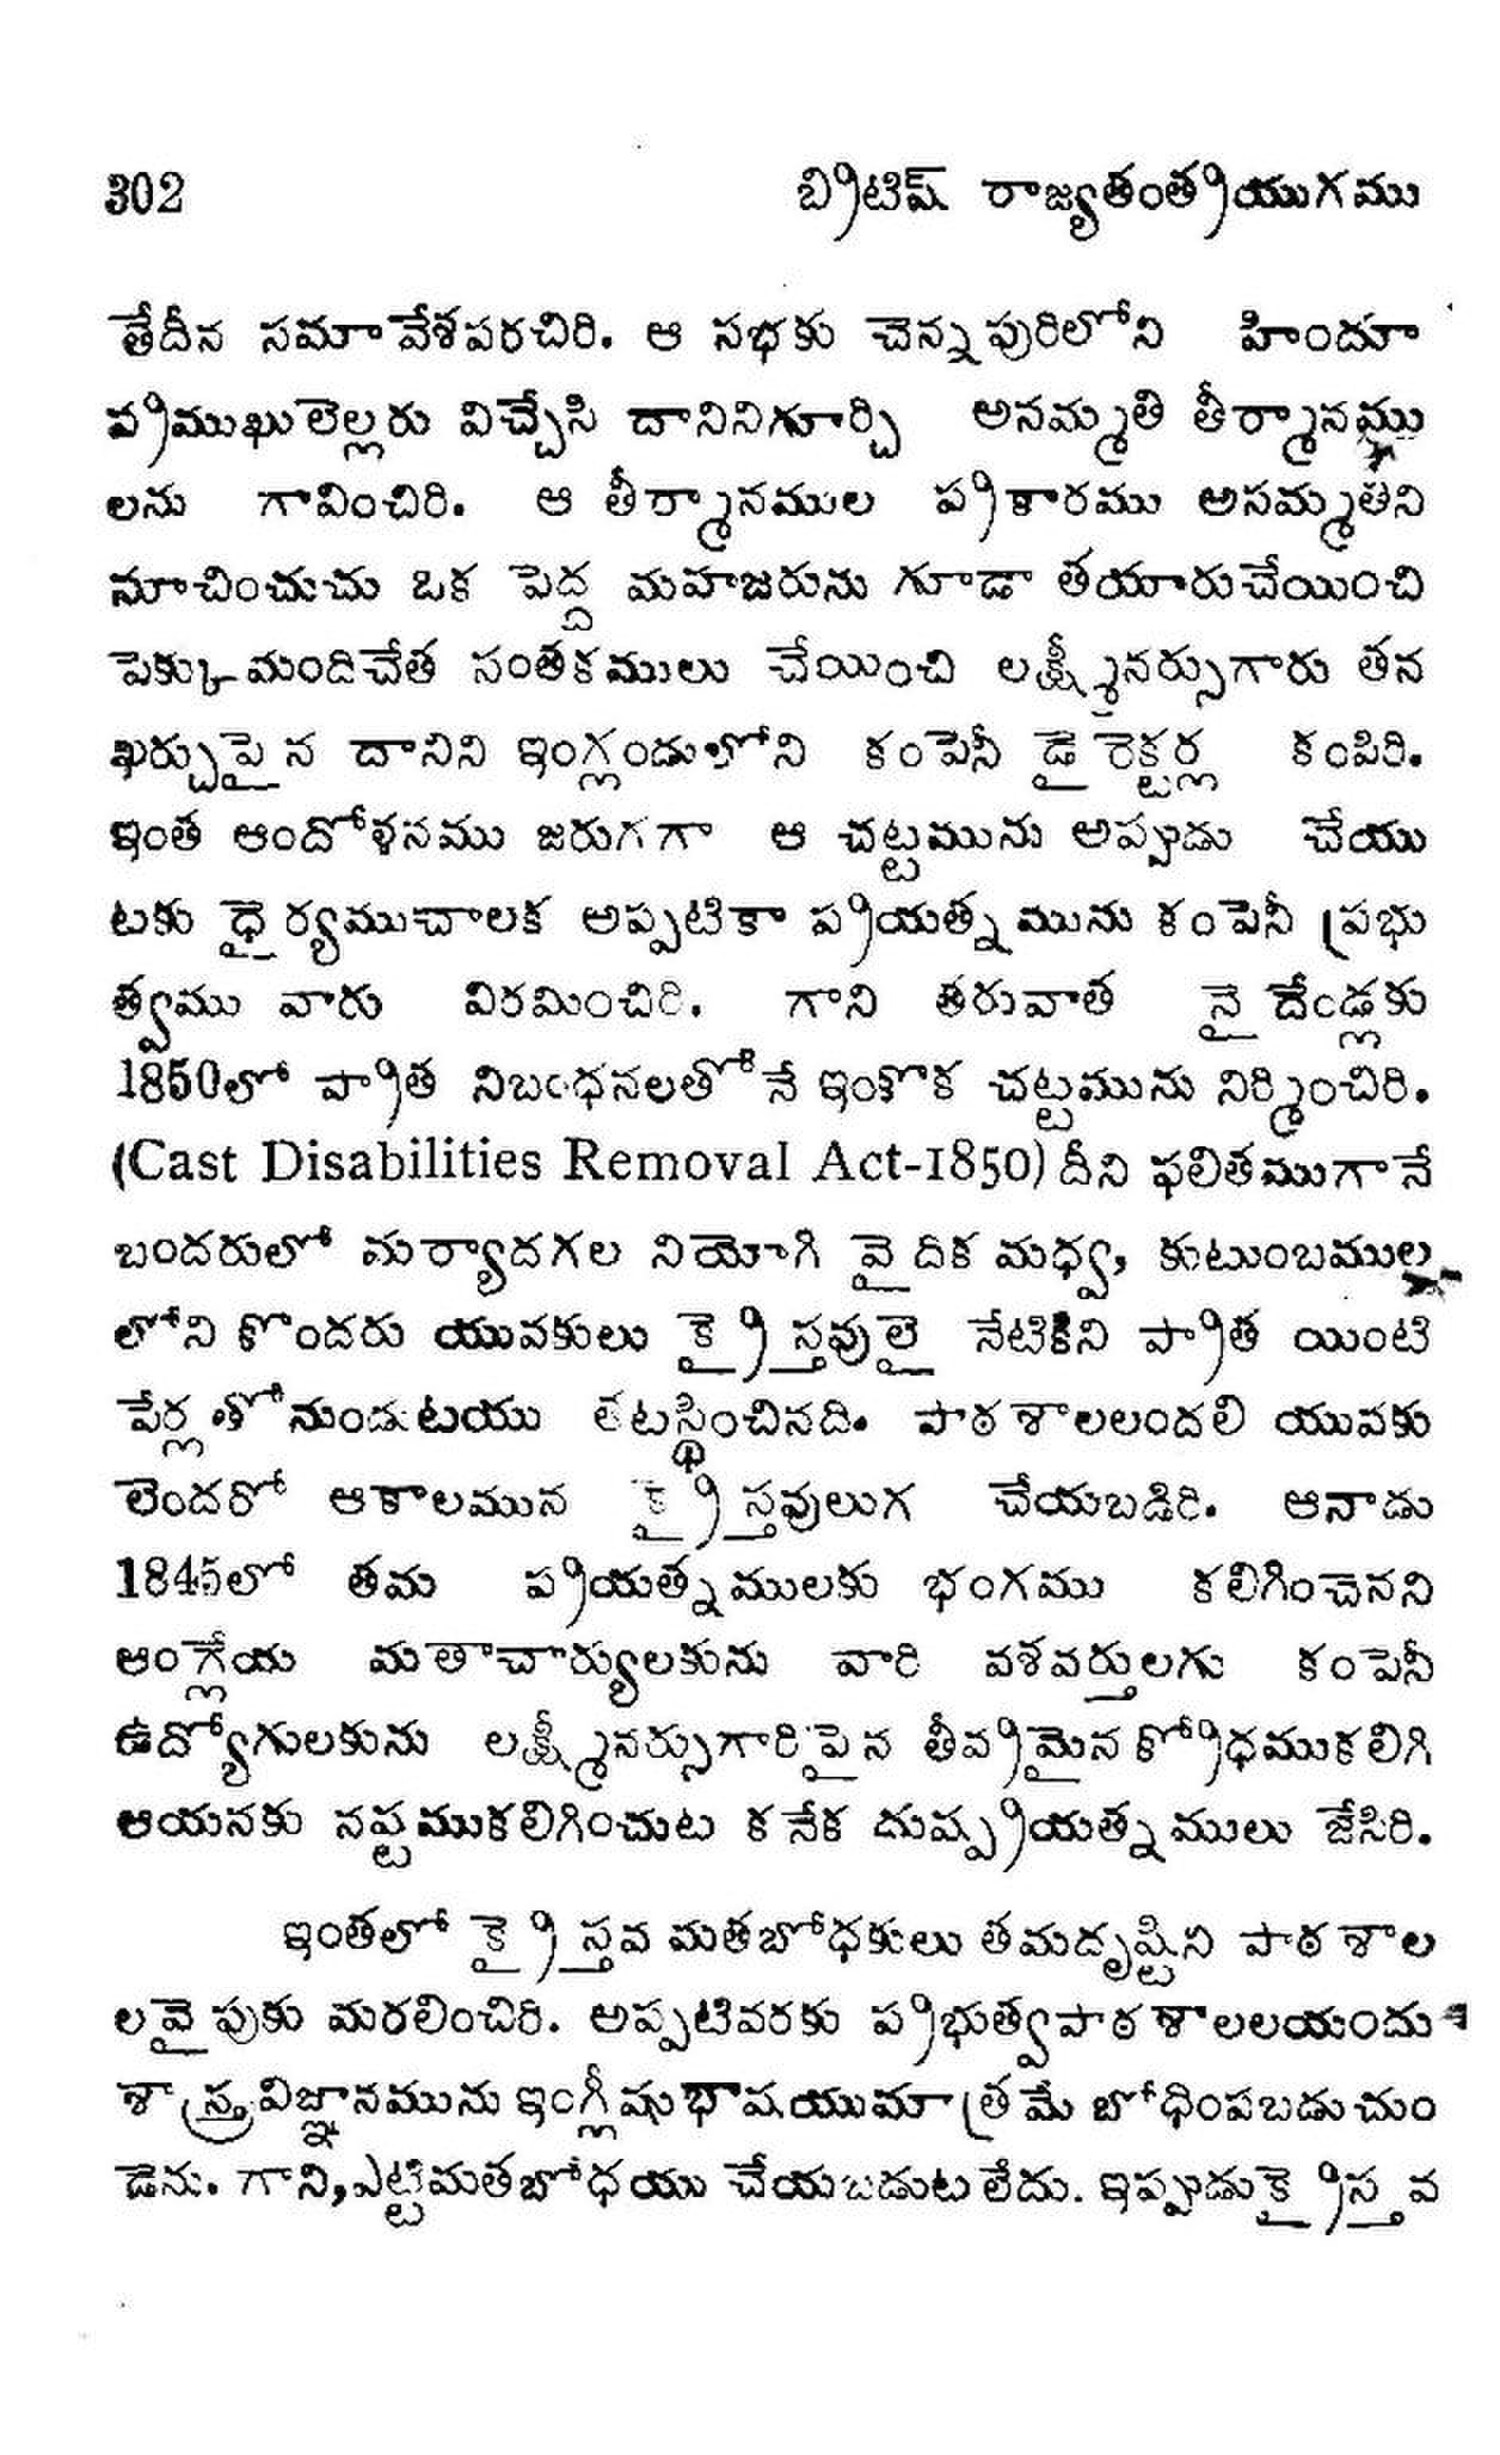తేదీన సమావేశపరచిరి. ఆ సభకు చెన్నపురిలోని హిందూప్రముఖులెల్లరు విచ్చేసి దానినిగూర్చి అసమ్మతి తీర్మానములను గావించిరి. ఆ తీర్మానముల ప్రకారము అసమ్మతిని సూచించుచు ఒక పెద్ద మహజరును గూడా తయారుచేయించి పెక్కుమందిచేత సంతకములు చేయించి లక్ష్మీనర్సుగారు తన ఖర్చుపైన దానిని ఇంగ్లండులోని కంపెనీ డైరెక్టర్ల కంపిరి. ఇంత ఆందోళనము జరుగగా ఆ చట్టమును అప్పుడు చేయుటకు ధైర్యముచాలక అప్పటికా ప్రయత్నమును కంపెనీ ప్రభుత్వము వారు విరమించిరి. గాని తరువాత నైదేండ్లకు 1850లో ప్రాత నిబంధనలతోనే ఇంకొక చట్టమును నిర్మించిరి. (Cast Disabilities Removal Act-1850) దీని ఫలితముగానే బందరులో మర్యాదగల నియోగి వైదిక మధ్య, కుటుంబములలోని కొందరు యువకులు క్రైస్తవులై నేటికిని ప్రాత యింటిపేర్లతోనుండుటయు తటస్థించినది. పాఠశాలలందలి యువకులెందరో ఆకాలమున క్రైస్తవులుగ చేయబడిరి. ఆనాడు 1845లో తమ ప్రయత్నములకు భంగము కలిగించెనని ఆంగ్లేయ మతాచార్యులకును వారి వశవర్తులగు కంపెనీ ఉద్యోగులకును లక్ష్మీనర్సుగారిపైన తీవ్రమైన క్రోధముకలిగి ఆయనకు నష్టముకలిగించుట కనేక దుష్ప్రయత్నములు జేసిరి.

ఇంతలో క్రైస్తవమతబోధకులు తమదృష్టిని పాఠశాలలవైపుకు మరలించిరి. అప్పటివరకు ప్రభుత్వపాఠశాలలయందు శాస్త్రవిజ్ఞానమును ఇంగ్లీషు భాషయుమాత్రమే బోధింపబడుచుండెను. గాని, ఎట్టిమత బోధయు చేయబడుటలేదు. ఇప్పుడుక్రైస్తవ